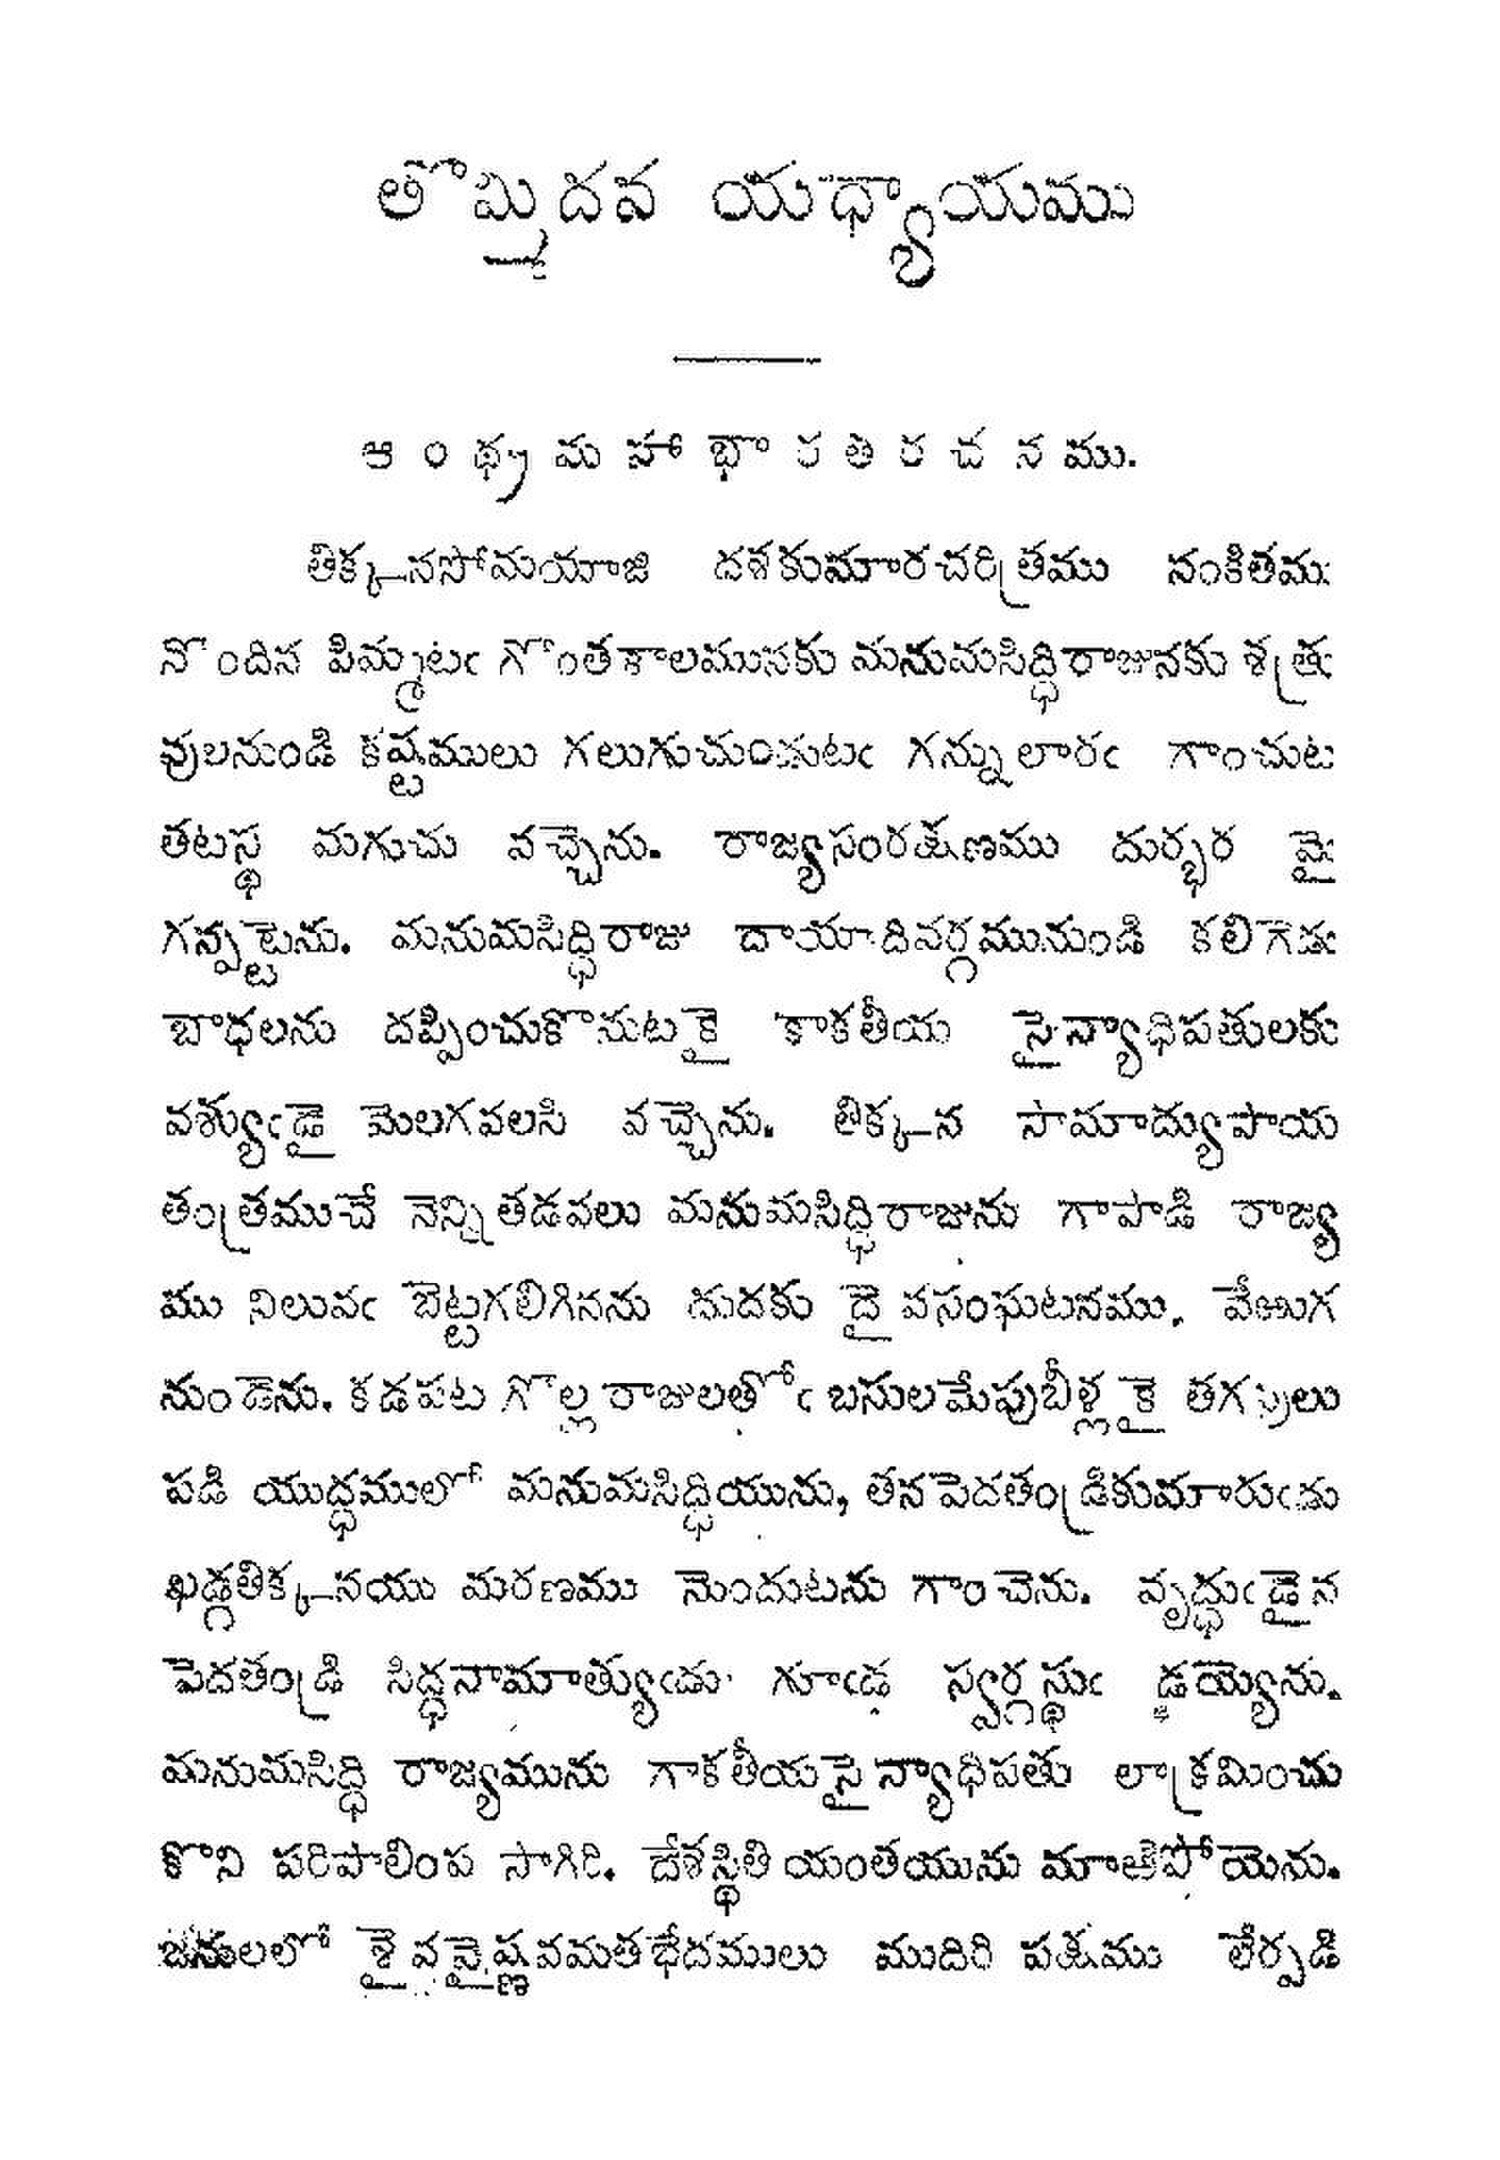తొమ్మిదవ యధ్యాయము
ఆంధ్రమహాభారతరచనము. 

తిక్కనసోమయాజి దశకుమారచరిత్రము నంకితము నొందిన పిమ్మటఁ గొంతకాలముసకు మనుమసిద్ధిరాజునకు శత్రువులనుండి కష్టములు గలుగుచుండుటఁ గన్నులారఁ గాంచుట తటస్థ మగుచు వచ్చెను. రాజ్యసంరక్షణము దుర్భర మై గన్పట్టెను. మనుమసిద్ధిరాజు దాయాదివర్గమునుండి కలిగెడు బాధలను దప్పించుకొనుటకై కాకతీయ సైన్యాధిపతులకు వశ్యుఁడై మెలగవలసి వచ్చెను. తిక్కన సామాద్యుపాయ తంత్రముచే నెన్నితడవలు మనుమసిద్ధిరాజును గాపాడి రాజ్యము నిలువఁ బెట్టగలిగినను దుదకు దై వసంఘటనము, వేఱుగ నుండెను. కడపట గొల్లరాజులతోఁ బసులమేపుబీళ్ల కై తగవులు పడి యుద్ధములో మనుమసిద్ధియును, తనపెదతండ్రికుమారుఁడు ఖడ్గతిక్కనయు మరణము నొందుటను గాంచెను. వృద్ధుఁడైన పెదతండ్రి సిద్ధనామాత్యుడు గూఁఢ స్వర్గస్థుఁ డయ్యెను. మనుమసిద్ధి రాజ్యమును గాకతీయసైన్యాధిపతు లాక్రమించుకొని పరిపాలింప సాగిరి. దేశస్థితి యంతయును మాఱిపోయెను. జనులలో శైవవైష్ణవమతభేదములు ముదిరి పక్షము లేర్పడి